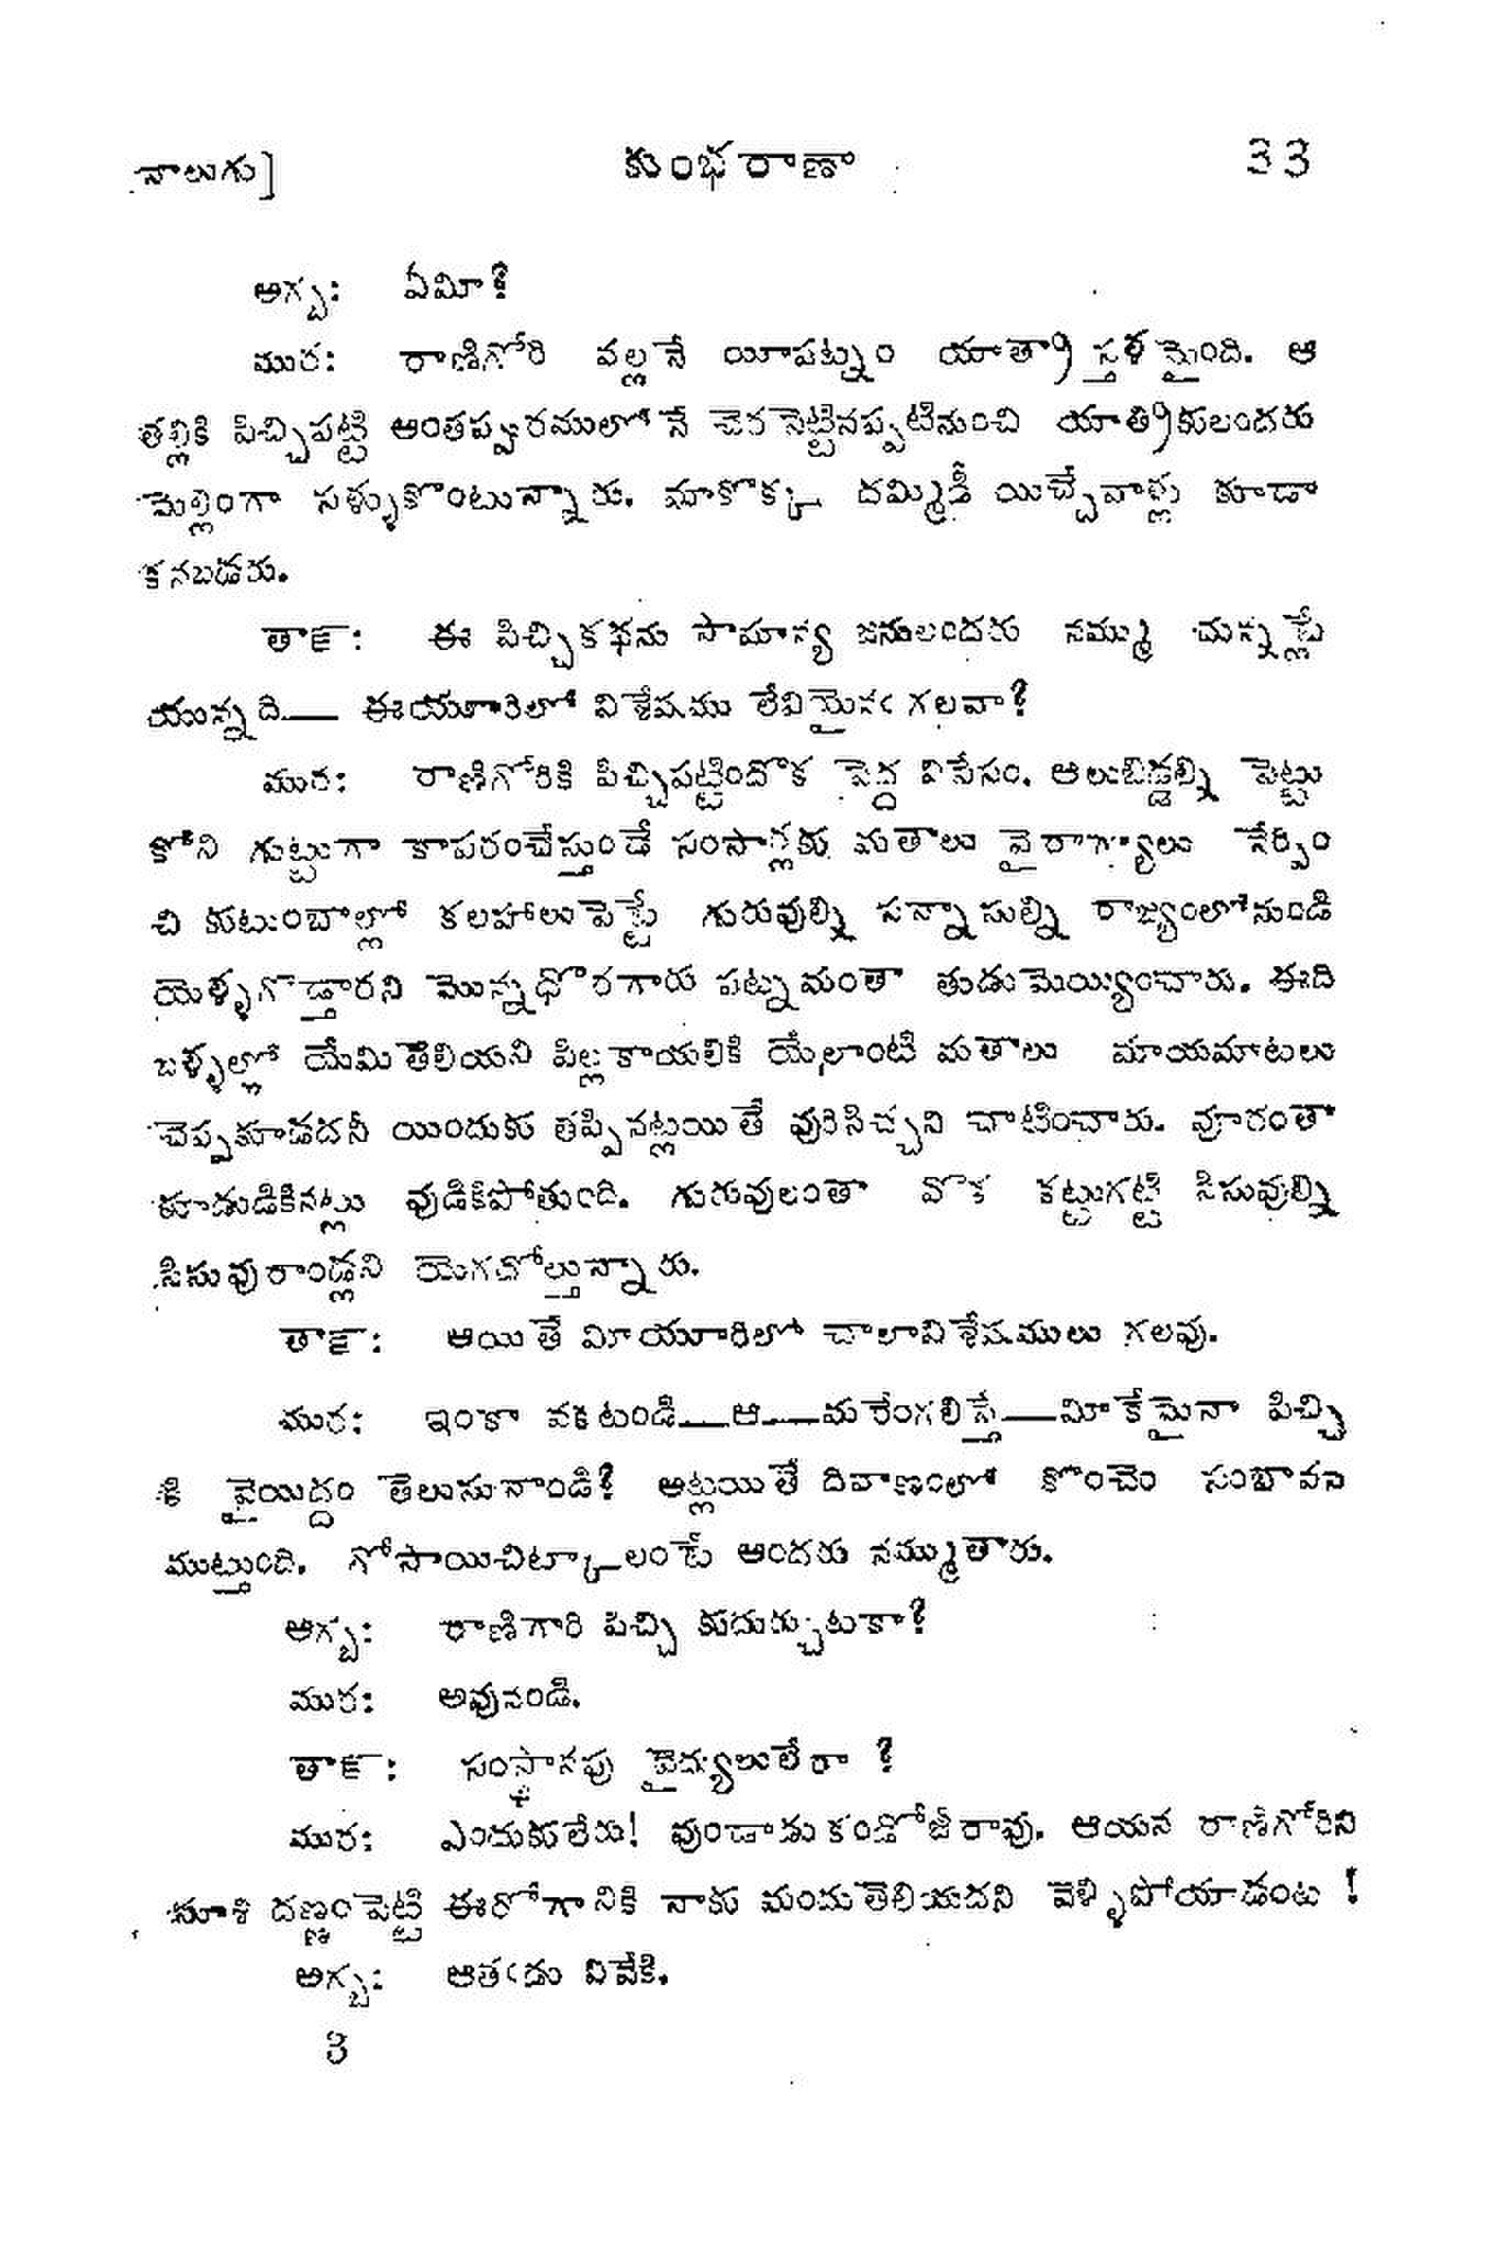అగ్బ : ఏమీ ?

మురళి : రాణిగోరి వల్లనే యీపట్నం యాత్రాస్తళమైంది. ఆ తల్లికి పిచ్చిపట్టి అంతప్పురములోనే చెరపెట్టినప్పటినుంచి యాత్రికులందరు మెల్లింగా సళ్ళుకొంటున్నారు. మాకొక్క దమ్మిడీ యిచ్చేవాళ్లు కూడా కనబడరు.

తాన్ : ఈ పిచ్చికథను సామాన్య జనులందరు నమ్ముచున్నట్లే యున్నది - ఈయూరిలో విశేషము లేవియైనఁ గలవా?

ముర : రాణిగోరికి పిచ్చిపట్టిందొక పెద్ద విసేసం. ఆలుబిడ్డల్ని పెట్టుకొని గుట్టుగా కాపరంచేస్తుండే సంసార్లకు మతాలు వైరాగ్యాలు నేర్పించి కుటుంబాల్లో కలహాలుపెట్టే గురువుల్ని సన్నాసుల్ని రాజ్యంలోనుండి యెళ్ళగొడ్తారని మొన్నదొరగారు పట్నమంతా తుడుమెయ్యించారు. ఈది బళ్ళల్లో యేమితెలియని పిల్లకాయలికి యేలాంటి మతాలు మాయమాటలు చెప్పకూడదనీ యిందుకు తప్పినట్లయితే వురిసిచ్చని చాటించారు. వూరంతా కూడుడికినట్లు వుడికిపోతుంది. గురువులంతా వొక కట్టుగట్టి సీసువుల్ని పిసువురాండ్లని యెగదోల్తున్నారు.

తాన్ : అయితే మీయూరిలో చాలావిశేషములు గలవు.

ముర : ఇంకా వకటండి - ఆ - మరేంగలిస్తే - మీకేమైనా పిచ్చికి వైయిద్దం తెలుసునాండి? అట్లయితే దివాణంలో కొంచెం సంభావన ముట్తుంది. గోసాయిచిట్కాలంటే అందరు నమ్ముతారు.

అగ్బ : రాణిగారి పిచ్చి కుదుర్చుటకా ?

ముర : అవునండి.

తాన్ : సంస్థానపు వైద్యులులేరా ?

ముర : ఎందుకులేరు ! వుండాడు కండోజీరావు. ఆయన రాణీగోరిని సూశి దణ్ణంపెట్టి ఈరోగానికి నాకు మందు తెలియదని వెళ్ళిపోయాడంట !

అగ్బ : ఆతఁడు వివేకి